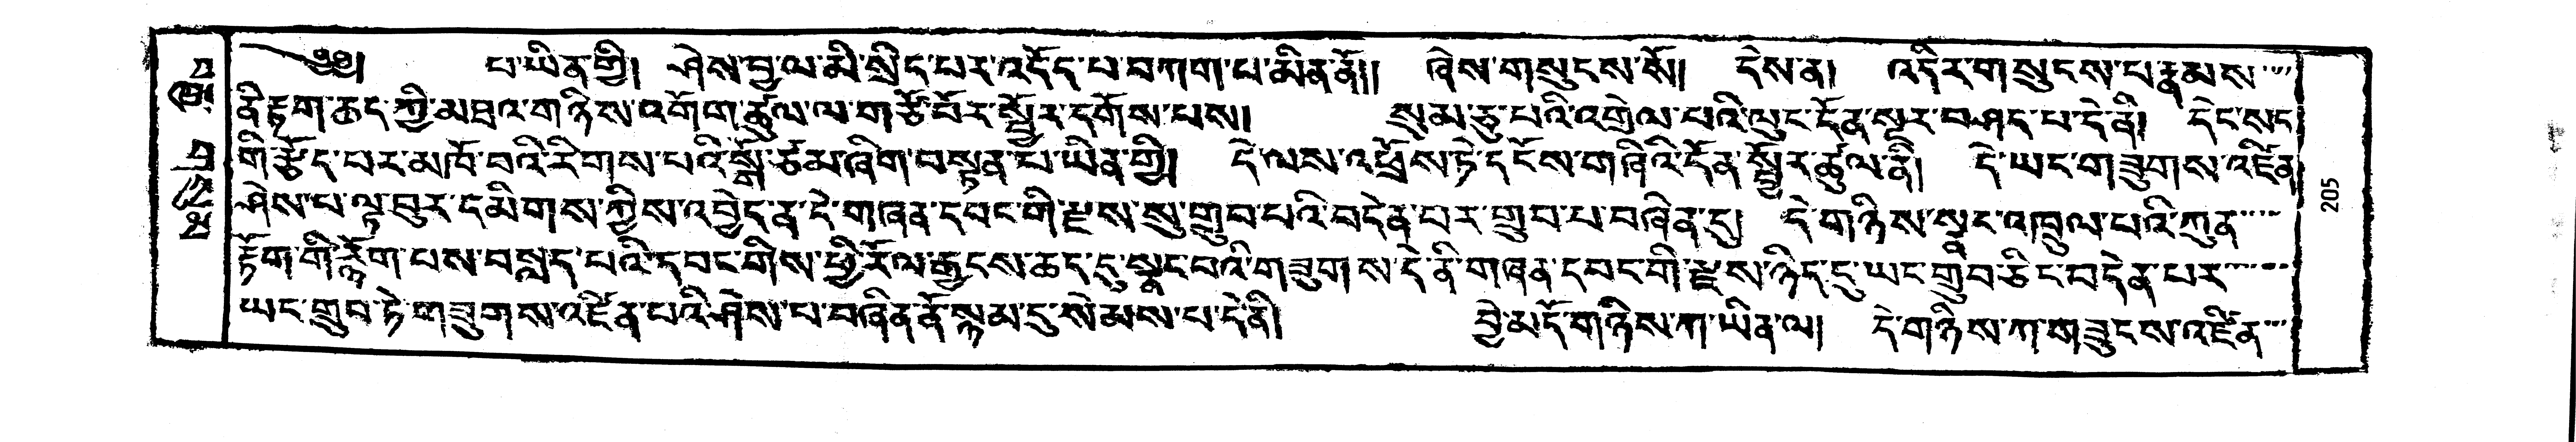༄༅། །པ་ཡིན་གྱི། ཤེས་བྱ་ལ་མི་སྲིད་པར་འདོད་པ་བཀག་པ་མིན་ནོ།། ཞེས་གསུངས་སོ། དེས་ན། འདིར་གསུངས་པ་རྣམས་
ནི་རྟག་ཆད་ཀྱི་མཐའ་གཉིས་འགོག་ཚུལ་ལ་གཙོ་བོར་སྦྱོར་དགོས་པས། སུམ་ཅུ་པའི་འགྲེལ་བའི་ལུང་དོན་སྔར་བཤད་པ་དེ་ནི། དེང་སང་
གི་རྩོད་པར་མཁོ་བའི་རིགས་པའི་སྒོ་ཙམ་ཞིག་བསྟན་པ་ཡིན་གྱི། དེ་ལས་འཕྲོས་ཏེ་དངོས་གཞིའི་དོན་སྦྱོར་ཚུལ་ནི། དེ་ཡང་གཟུགས་འཛིན་
ཤེས་པ་ལྟ་བུར་དམིགས་ཀྱིས་འབྱེད་ན་དེ་གཞན་དབང་གི་རྫས་སུ་གྲུབ་པའི་བདེན་པར་གྲུབ་པ་བཞིན་དུ། དེ་གཉིས་སྣང་འཁྲུལ་པའི་ཀུན་
རྟོག་གི་རྙོག་པས་བསླད་པའི་དབང་གིས་ཕྱི་རོལ་རྒྱངས་ཆད་དུ་སྣང་བའི་གཟུགས་དེ་ནི་གཞན་དབང་གི་རྫས་ཉིད་དུ་ཡང་གྲུབ་ཅིང་བདེན་པར་
ཡང་གྲུབ་ཏེ་གཟུགས་འཛིན་པའི་ཤེས་པ་བཞིན་ནོ་སྙམ་དུ་སེམས་པ་དེ་ནི། བྱེ་མདོ་གཉིས་ཀ་ཡིན་ལ། དེ་གཉིས་ཀ་གཟུགས་འཛིན་